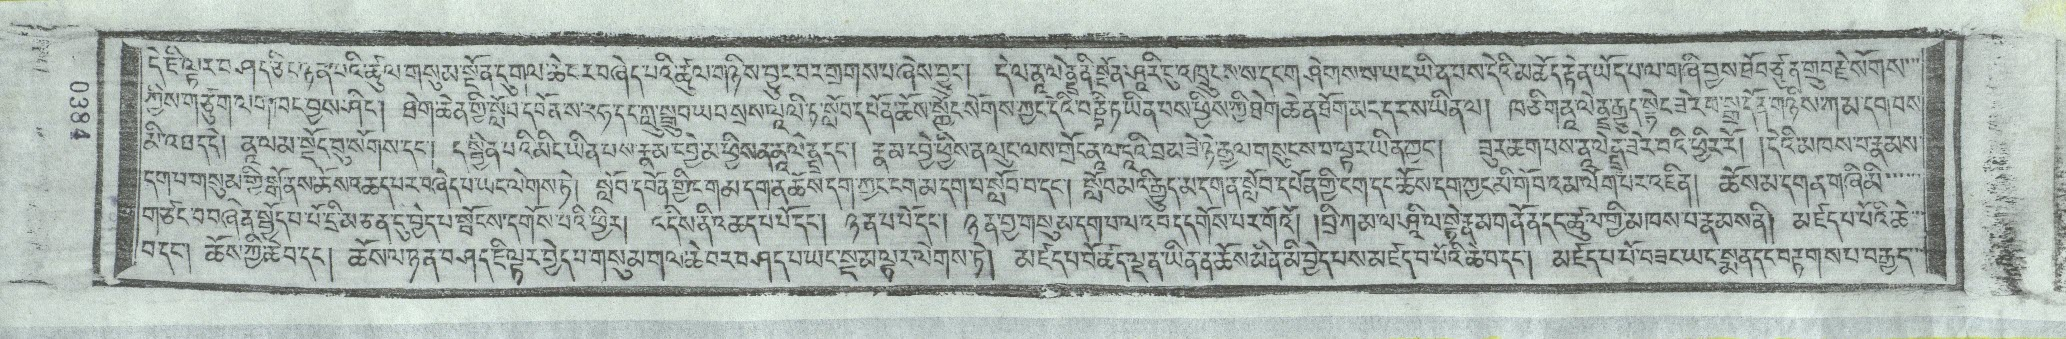དེ་ཇི་ལྟར་བཤད་ཅིང་ཉན་པའི་ཚུལ་གསུམ་སྔོན་དུ་གལ་ཆེ་བར་བཞེད་པའི་ཚུལ་གཉིས་བྱུང་བར་གྲགས་པ་ཞེས་བྱུང་། དེ་ལ་ནཱ་ལེནྡྲ་ནི་སྔོན་ཤཱིར་དུ་འཁྲུངས་ས་དང་གཤེགས་པ་ཡང་ཡིན་པས་དེའི་མཆོད་རྟེན་ཡོད་པ་ལ་གཞི་བྱས་ཐོབ་བཙུན་གྲུབ་རྗེ་སོགས་
ཀྱིས་གཙུག་ལག་ཁང་བྱས་ཤིང་། ཐེག་ཆེན་གྱི་སློབ་དབོན་སར་ཧ་དང་ཀླུ་སྒྲུབ་ཡབ་སྲས་ལཱ་ལི་ཏ་སློབ་དཔོན་ཆོས་སྐྱོང་སོགས་ཀྱང་དེའི་པཎྜི་ཏ་ཡིན་བས་ཕྱིས་ཀྱི་ཐེག་ཆེན་ཐོག་མང་དར་ས་ཡིན་ལ། ཁ་ཅིག་ནཱ་ལེནྡྲ་རྒྱུད་སྟེང་ཟེར་བ་སྒྲ་དོན་གཉིས་གམ་དག་བས་
མི་འཐད་དེ། ནཱ་ལམ་སྡོད་བུ་སོགས་དང་། ད་སྦྱིན་པའི་མིང་ཡིན་པས་རྣམ་དབྱེ་མ་ཕྱིས་ན་ནཱ་ལེནྡྲ་དང་། རྣམ་དབྱེ་ཕྱིས་ན་ལུང་ལས་གྲོང་ནཱ་ལ་དཱའི་ཐམ་ཟེ་ཉེ་རྒྱལ་གསུངས་བ་ལྟར་ཡིན་ཀྱང་། ཟུར་ཆག་པས་ནཱ་ལེནྡྲ་ཟེར་བའི་ཕྱིར་རོ། །དེའི་མཁས་པ་རྣམས་
དག་པ་གསུམ་གྱི་སྒོ་ནས་ཆོས་འཆད་པར་བཞེད་པ་ཡང་ལེགས་ཏེ། སློབ་དཔོན་གྱི་དག་མ་དག་ན་ཆོས་དག་ཀྱང་ངག་མ་དག་པ་སློབ་བ་དང་། སློབ་མའི་རྒྱུད་མ་དག་ན་སློབ་དཔོན་གྱི་ངག་དང་ཆོས་དག་ཀྱང་མི་གོ་བའམ་ལེག་པར་འཇིན། ཆོས་མ་དག་ན་གཞི་མི་
གཙང་བ་བཞེན་སྦྱོད་པ་པོ་དྲི་མ་ཅན་དུ་བྱེད་པ་སྤོངས་དགོས་པའི་ཕྱིར། འདིས་ནི་འཆད་པ་པོ་དང་། ཉན་པ་པོ་དང་། ཉན་བྱ་གསུམ་དག་བ་ལ་འབད་དགོས་པར་གོའོ། །བྲི་ཀ་མ་ལ་ཤཱི་ལ་སྟེ་རྣམ་གནོན་ངང་ཚུལ་གྱི་མཁས་པ་རྣམས་ནི། མཛད་པ་པོའི་ཆེ་
བ་དང་། ཆོས་ཀྱི་ཆེ་བ་དང་། ཆོས་ལ་ཉན་བཤད་ཇི་ལྟར་བྱེད་པ་གསུམ་གལ་ཆེ་བར་བཤད་པ་ཡང་སྔ་མ་ལྟར་ལེགས་ཏེ། མཛད་པ་བོ་ཚད་ལྡན་ཡིན་ན་ཆོས་མིན་མི་བྱེད་པས་མཛད་བ་བོའི་ཆེ་བ་དང་། མཛད་པ་པོ་བཟང་ཡང་སྨན་དང་བརྟགས་པ་བརྒྱད་